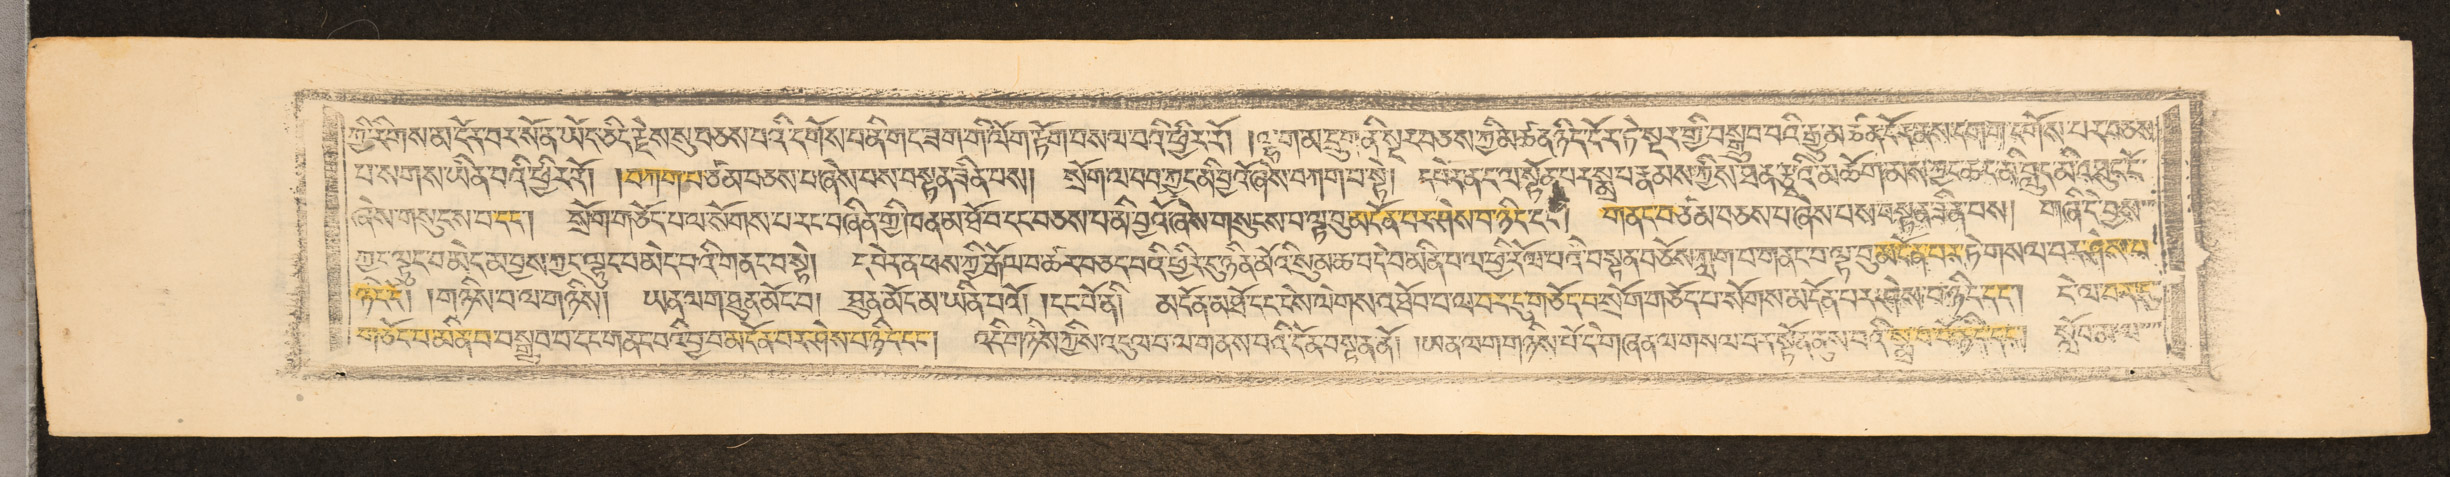ཀྱི་རིགས་མདོར་བར་སོ་ན་ཡོད་ཅིང་རྗེས་སུ་བཅས་པའི་དགོས་པ་ནི་གང་ཟག་གི་ལོག་རྟོག་བསལ་བའི་ཕྱིར་རོ། །ལྷག་མ་དྲུག་ནི་སྔར་བཅས་ཀྱི་མཚན་ཉིད་དོར་ཏེ་སྔར་གྱི་བསྒྲུབ་པའི་རྒྱུ་མཚན་དོར་ནས་དགག་དགོས་པར་བཅས་
པ་སོགས་ཡིན་པའི་ཕྱིར་རོ། །བཀག་པ་ཙམ་བཅས་པ་ཞེས་པས་བསྟན་ཟིན་པས། སྲོག་ལ་བབ་ཀྱང་མི་བྱའོ་ཞེས་བཀག་པ་སྟེ། དཔེར་ན་ང་ལ་སྟོན་པར་སྨྲ་བ་རྣམས་ཀྱིས་ཐ་ན་རྩྭའི་མཆོག་མས་ཀྱང་ཆང་མི་བླུད་མི་འཐུང་ངོ་
ཞེས་གསུངས་པ་དང་། སྲོག་གཅོད་པ་ལ་སོགས་པ་རང་བཞིན་གྱི་ཁ་ན་མ་ཐོ་བ་དང་བཅས་པ་མི་བྱའོ་ཞེས་གསུངས་པ་ལྟ་བུ་མངོན་པར་ཤེས་པ་ཉིད་དང་། གནང་བ་ཙམ་བཅས་པ་ཞེས་པས་བསྟན་ཟིན་པས། གཞི་དེ་བྱས་
ཀྱང་ལྟུང་བ་མེད་མ་བྱས་ཀྱང་ལྟུང་པ་མེད་པའི་གནང་བ་སྟེ། དཔེར་ན་ཕས་ཀྱི་རྒོལ་བ་ཚར་བཅད་པའི་ཕྱིར་དུ་ཉིན་མོའི་སུམ་ཆ་བདེ་བ་མིན་པ་ལ་ཕྱི་རོལ་པའི་བསྟན་བཅོས་ཀླག་པ་གནང་བ་ལྟ་བུ་མངོན་པར་ཏེ་གསལ་པར་ཤེས་པ་
ཉིད་དོ། །གཉིས་པ་ལ་གཉིས། ཡན་ལག་ཐུན་མོད་བ། ཐུན་མོང་མ་ཡིན་པའོ། །དང་པོ་ནི། མངོན་མཐོ་དང་ངེས་ལེགས་འཐོབ་པ་ལ་བར་དུ་གཅོད་པ་སྲོག་གཅོད་པ་སོགས་མངོན་པར་ཤེས་པ་ཉིད་དང་། དེ་ལ་བར་དུ་
གཅོད་པ་མིན་པ་བསྒྲུབ་པ་དང་གནང་བའི་བྱ་བ་མངོན་པར་ཤེས་པ་ཉིད་དང་། འདི་གཉིས་ཀྱིས་འདུལ་བ་ལ་གནས་པའི་དོན་བསྟན་ནོ། །ཡན་ལག་གཉིས་པོ་དེ་གཞན་ལ་གསལ་བར་སྟོན་ནུས་པའི་སྨྲ་བ་པོ་ཉིད་དང་། སློབ་མ་ལ་